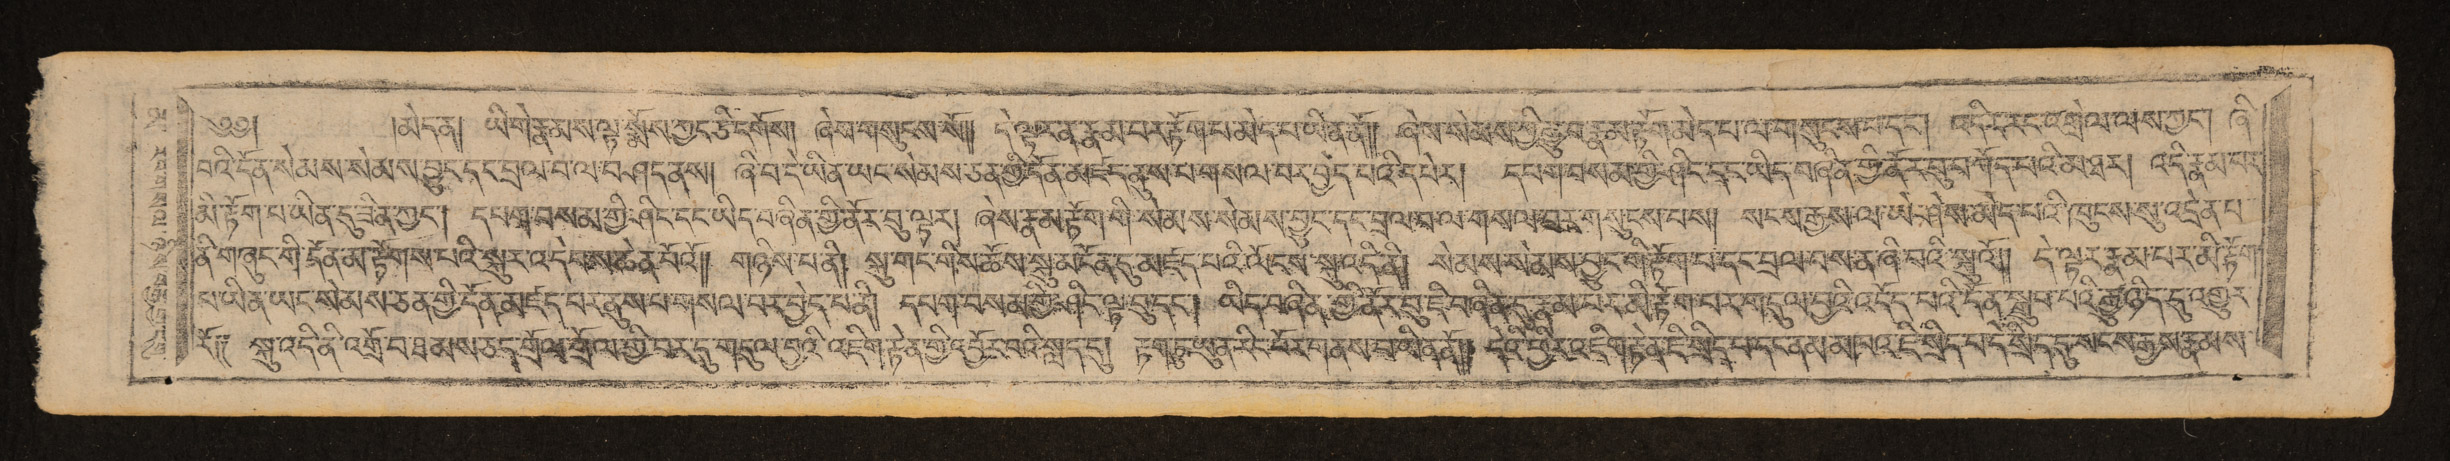༄༅། །མེད་ན། ཡི་གེ་རྣམས་ལྟ་སྨོས་ཀྱང་ཅི་དགོས། ཞེས་གསུངས་སོ།། དེ་ལྟར་ན་རྣམ་པར་རྟོག་པ་མེད་པ་ཡིན་ནོ།། ཞེས་སེམས་ཀྱི་རྒྱུ་བ་རྣམ་རྟོག་མེད་པ་ལ་གསུངས་པ་དང་། འདིར་རང་འགྲེལ་ལས་ཀྱང་། ཞི་
བའི་དོན་སེམས་སེམས་བྱུང་དང་བྲལ་བ་ལ་བཤད་ནས། ཞི་བ་དེ་ཡིན་ཡང་སེམས་ཅན་གྱི་དོན་མཛད་ནུས་པ་གསལ་བར་བྱེད་པའི་དཔེར། དཔག་བསམ་གྱི་ཤིང་དང་ཡིད་བཞིན་གྱི་ནོར་བུ་བཀོད་པའི་མཐར། འདི་རྣམ་པར་
མི་རྟོག་པ་ཡིན་དུ་ཟིན་ཀྱང་། དཔག་བསམ་གྱི་ཤིང་དང་ཡིད་བཞིན་གྱི་ནོར་བུ་ལྟར། ཞེས་རྣམ་རྟོག་གི་སེམས་སེམས་བྱུང་དང་བྲལ་བ་ལ་གསལ་བར་གསུངས་པས། སངས་རྒྱས་ལ་ཡེ་ཤེས་མེད་པའི་ཁུངས་སུ་འདྲེན་པ་
ནི་གཞུང་གི་དོན་མ་རྟོགས་པའི་སྐུར་འདེབས་ཆེན་པོའོ།། གཉིས་པ་ནི། སྐུ་གང་གིས་ཆོས་སྐུ་མངོན་དུ་མཛད་པའི་ལོངས་སྐུ་འདི་ནི། སེམས་སེམས་བྱུང་གི་རྟོག་པ་དང་བྲལ་བས་ན་ཞི་བའི་སྐུའོ།། དེ་ལྟར་རྣམ་པར་མི་རྟོག་
པ་ཡིན་ཡང་སེམས་ཅན་གྱི་དོན་མཛད་པར་ནུས་པ་གསལ་བར་བྱེད་པ་ནི། དཔག་བསམ་གྱི་ཤིང་ལྟ་བུ་དང་། ཡིད་བཞིན་གྱི་ནོར་བུ་ཇི་བཞིན་དུ་རྣམ་པར་མི་རྟོག་པར་གདུལ་བྱའི་འདོད་པའི་དོན་སྒྲུབ་པའི་རྒྱུ་ཉིད་དུ་འགྱུར་
རོ༑༑ སྐུ་འདི་ནི་འགྲོ་བ་ཐམས་ཅད་གྲོལ་གྲོལ་གྱི་བར་དུ་གདུལ་བྱའི་འཇིག་རྟེན་གྱི་འབྱོར་བའི་སླད་དུ། རྟག་ཏུ་ཡུན་རིང་པོར་གནས་པ་ཡིན་ནོ།། དེའི་ཕྱིར་འཇིག་རྟེན་ཇི་སྲིད་པ་དང་ནམ་མཁའ་ཇི་སྲིད་པ་དེ་སྲིད་དུ་སངས་རྒྱས་རྣམས་